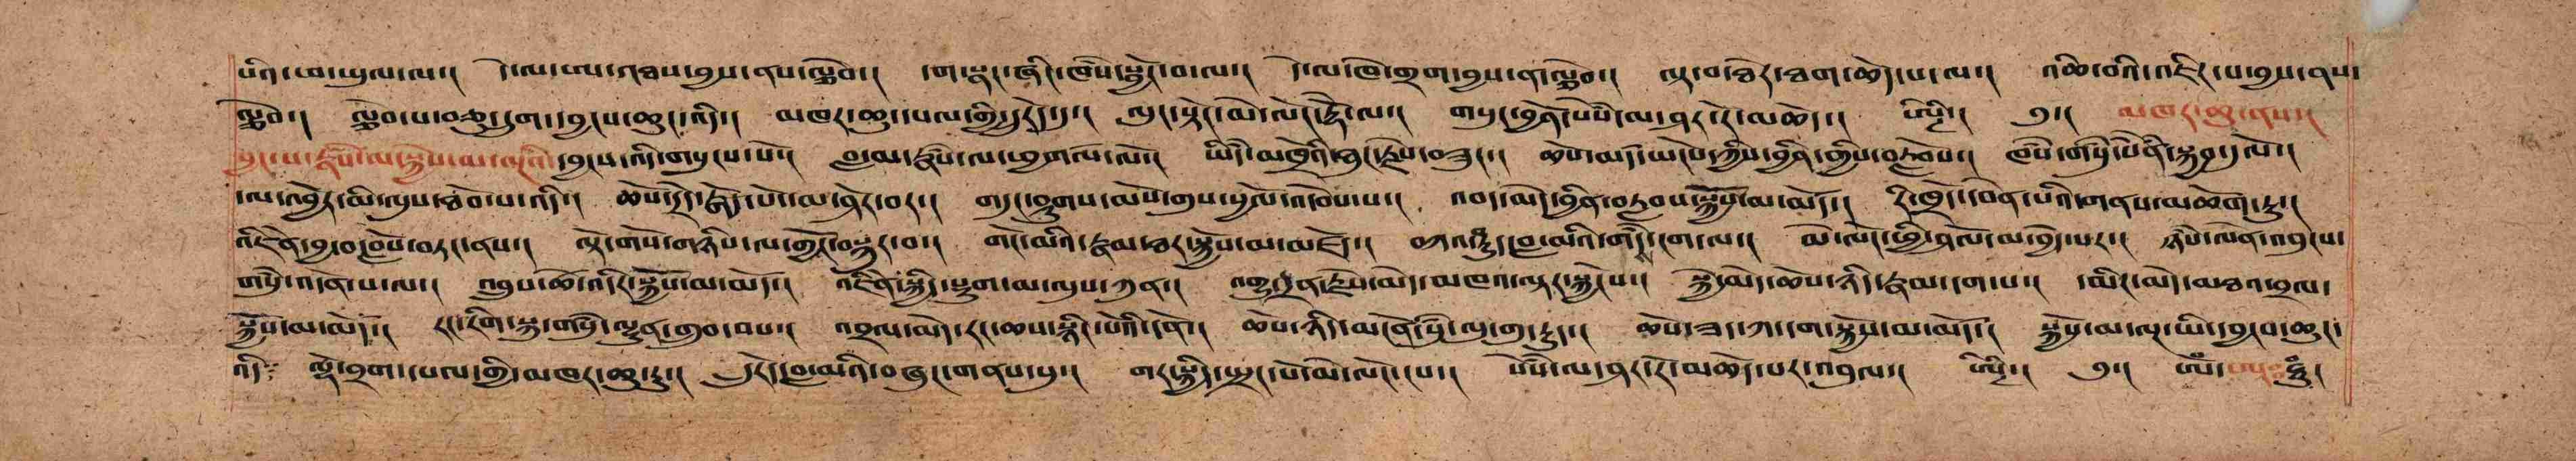པའི་ཕ་ཡུལ་ལ།། དེ་ལ་ཨ་འཐས་བྱས་ནས་ལྕེབ།། དག་སྣང་ཞིང་ཁམས་སྦྱོང་བ་ལ།། དེ་ལ་ཁེ་གྲག་བྱས་ན་ལྕེབ།། ལྟ་བ་ཐེར་ཐག་ཆོད་པ་ལ།། འཆི་བའི་འཇིགས་པ་བྱས་ནས་
ལྕེབ།། ལྕེབ་པ་བཅུ་དྲུག་དབྱངས་ཆུང་འདི།། མཁར་ཆུ་དཔལ་གྱི་དུར་ཁྲོད་དུ།། ལུང་སྟོང་མེ་ལོང་རྡོ་རྗེ་ལ།། གསུང་བྱོན་སེམས་ལ་ཤར་རོ་མཆོད།། ཨིཊི།། ༄་། མཁར་ཆུ་ནས་
གསུངས་པ་རྣམས་ལ་སྐྱེལ་མ་ལྔའི་དབྱངས་འདི་གསུངས་སོ།། བླ་མ་རྣམས་ལ་ཕྱག་འཚལ་ལོ།། ཡིད་དམ་མཁའ་འགྲོའི་ཐུགས་རྗེས་བཟུང་།། ཆོས་མཛད་ཡོངས་ཀྱིས་བྱིན་གྱིས་རློབས།། ཁམས་གསུམ་སེམས་ཅན་སྐྱབ་ཏུ་གསོལ།། 
དལ་འབྱོར་མི་ལུས་ཐོབ་པ་འདི།། ཆོས་དྲེད་རྒོད་པོས་མ་ཤོར་བར།། གདུང་ཤུགས་མོས་གུས་གསོལ་བ་འདེབས།། འབད་མེད་བྱིན་བརླབས་སྐྱོས་མ་མཛོད།། རི་ཁྲོད་དབེན་པའི་གནས་མཆོག་ཏུ།། 
འཇིག་རྟེན་བྱ་བ་བློས་བཏང་ནས།། ལྟོ་གོས་གཉིས་ལ་གྱོང་བསྐུར་བ།། གོང་མའི་རྣམ་ཐར་སྐྱོས་མ་མཛོད།། བཀའ་བརྒྱུད་བླ་མའི་གདམས་ངག་ལ།། མེ་ལོང་ཕྱི་བཤོལ་མ་བྱེད་པར།། ཉམས་ལེན་འབུངས་
གསུམ་བདེན་པ་ལ།། འབྲས་བུ་ཚེ་འདིར་སྐྱོས་མ་མཛོད།། འཇིག་རྟེ་སྐྱིད་སྡུག་མ་ལུས་ཀུན།། འགྱུ་དྲན་རྗེས་མེད་མཁའ་ལྟར་སྐྱོངས།། སྐྱེ་མེད་ཆོས་ཉིད་རྣམ་དག་པ།། དམིགས་མེད་མཐའ་བྲལ་
སྐྱོས་མ་མཛོད།། རང་རིག་སྐུ་གསུམ་ལྷུན་གྲུབ་པས།། འབྲལ་མེད་རང་ཆས་སྙིང་པོའི་དོན།། ཆོས་ཉིད་མངོན་སུམ་ལུ་གུ་རྒྱུད།། ཆོས་ཟད་ཀ་དག་སྐྱོས་མ་མཛོད།། སྐྱོས་མ་ལྔ་ཡི་དབྱངས་ཆུང་
འདི།། ལྷོ་བྲག་དཔལ་གྱི་མཁར་ཆུ་རུ།། དུར་ཁྲོད་བླ་མའི་བཞུགས་གནས་སུ།། གར་སྐྱིད་སྤྲང་པོ་མེ་ལོང་ངས།། སེམས་ལ་ཤར་རོ་མཆོད་པར་འབུལ།། ཨིཊི།། ༄་། ཨོཾ་ཨཱཿཧཱུཾ།།